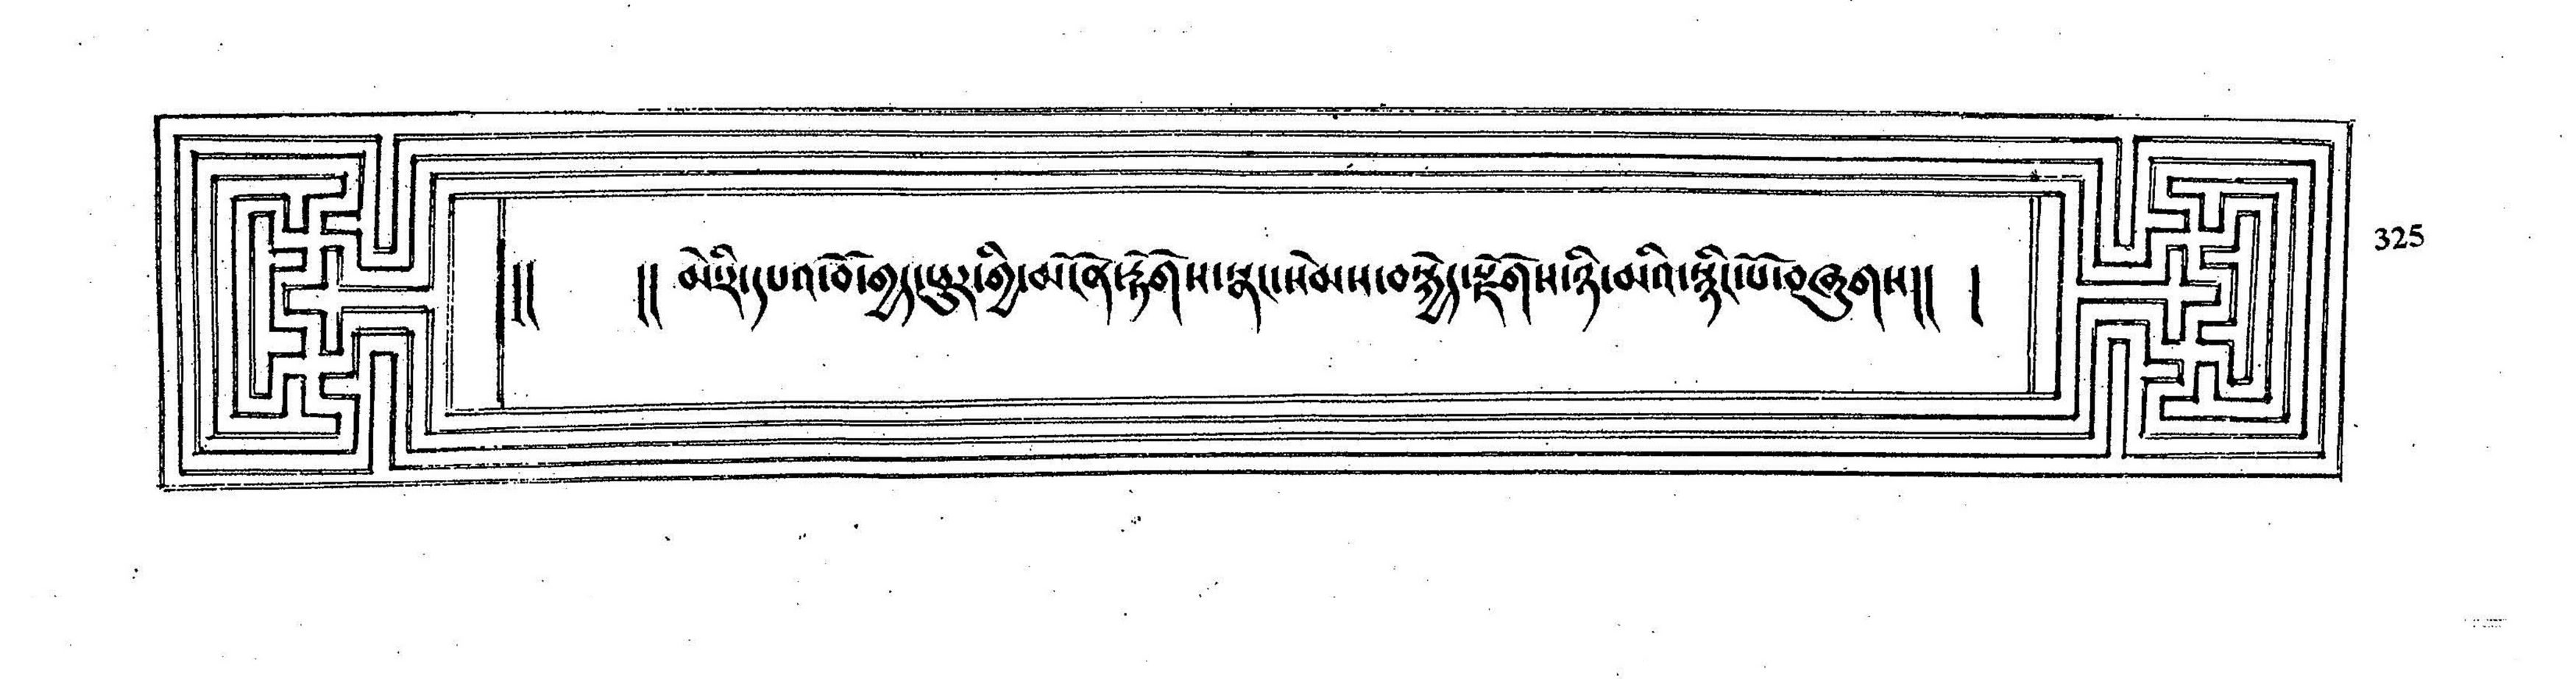།། །།མེ་རི་དཔའ་བོ་གྱད་ཕུར་གྱི་མངོན་རྟོགས་སྣང་སེམས་བསྐྱེད་རྫོགས་ཉི་མའི་སྙིང་པོ་བཞུགས།།